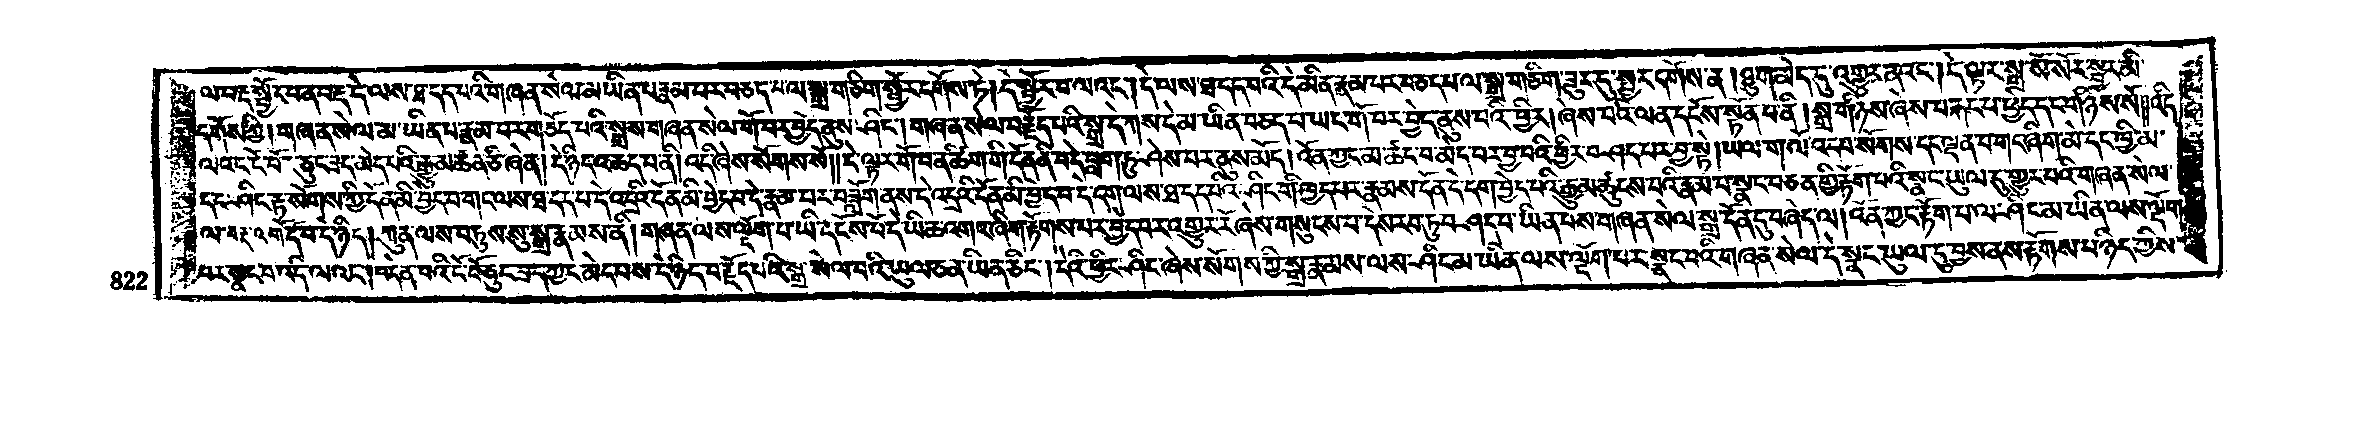ལ་བརྡ་སྦྱོར་བ་ན་བརྡ་དེ་ལས་ཐ་དད་པའི་གཞན་སེལ་མ་ཡིན་པ་རྣམ་པར་བཅད་པ་ལ་སྒྲ་གཅིག་སྦྱོར་དགོས་ཏེ། དེ་སྦྱོར་བ་ལའང་། དེ་ལས་ཐ་དད་པའི་དེ་མིན་རྣམ་པར་བཅད་པ་ལ་སྒྲ་གཅིག་ཟུར་དུ་སྦྱར་དགོས་ན། ཐུག་མེད་དུ་འགྱུར་ནའང་། དེ་ལྟར་སྒྲ་སོ་སོར་སྦྱར་མི་
དགོས་ཀྱི། གཞན་སེལ་མ་ཡིན་པ་རྣམ་པར་གཅོད་པའི་སྒྲས་གཞན་སེལ་གོ་བར་བྱེད་ནུས་ཤིང་། གཞན་སེལ་བརྗོད་པའི་སྒྲ་དེ་ཀས་དེ་མ་ཡིན་བཅད་པ་ཡང་གོ་བར་བྱེད་ནུས་པའི་ཕྱིར། ཞེས་པའི་ལན་དངོས་སྟོན་པ་ནི། སྒྲ་གཉིས་ཞེས་པ་རྐང་པ་ཕྱེད་དང་གཉིས་སོ། །འདི་
ལའང་ངོ་བོ་ཅུང་ཟད་མེད་པའི་རྒྱུ་མཚན་ཅི་ཞེ་ན། དེ་ཉིད་འཆད་པ་ནི། འདི་ཞེས་སོགས་སོ། །དེ་ལྟར་གོ་བ་ནི་ཚིག་གི་དོན་ནི་བདེ་བླག་ཏུ་ཤེས་པར་ནུས་མོད། འོན་ཀྱང་མ་ཚང་བ་མེད་པར་བྱ་བའི་ཕྱིར་བཤད་པར་བྱ་སྟེ། ཡལ་ག་ལོ་འདབ་སོགས་དང་ལྡན་པ་གང་ཞིག་མེ་དང་ཁྱི་མ་
དང་ཤིང་རྟ་སོགས་ཀྱི་དོན་མི་བྱེད་བ་གང་ལས་ཐ་དད་པ་དེ་འདྲའི་དོན་མི་བྱེད་པ་དེ་རྣམ་པར་བཟློག་ནས་དེ་འདྲའི་དོན་མི་བྱེད་པ་དེ་དག་ལས་ཐ་དད་པའི་ཤིང་གི་ཁྱད་པར་རྣམས་དོན་དེ་དག་བྱེད་པའི་རྒྱུ་མཚུངས་པའི་རྣམ་པར་སྣང་བ་ཅན་གྱི་རྟོག་པའི་སྣང་ཡུལ་དུ་གྱུར་པའི་གཞན་སེལ་
ལ་བརྡ་འགོད་བ་དེ་ཉིད། ཀུན་ལས་བཏུས་སུ་སྒྲ་རྣམས་ནི། གཞན་ལས་ལྡོག་པ་ཡི་དངོས་པོ་དེ་ཡི་ཆ་འགའ་ཞིག་རྟོགས་པར་བྱེད་པར་འགྱུར་རོ། །ཞེས་གསུངས་པ་དེས་རབ་ཏུ་བཤད་པ་ཡིན་པས་གཞན་སེལ་སྒྟ་དོན་དུ་བཞེད་ལ། འོན་ཀྱང་རྟོག་པ་ལ་ཤིང་མ་ཡིན་ལས་སལ་དོག་
པར་སྣང་བ་འདི་ལའང་། བདེན་པའི་ངོ་བོ་ཅུང་ཟད་ཀྱང་མེད་པས་དེ་ཉིད་བརྗོད་པའི་སྒྲ་སེལ་བའི་ཡུལ་ཅན་ཡིན་ཅིང་། དེའི་ཕྱིར་ཤིང་ཞེས་སོགས་ཀྱི་སྒྲ་རྣམས་ལས་ཤིང་མ་ཡིན་ལས་ལྡོག་པར་སྣང་བའི་གཞན་སེལ་དེ་སྣང་ཡུལ་དུ་བྱས་ནས་རྟོགས་པ་ཉིད་ཀྱིས་